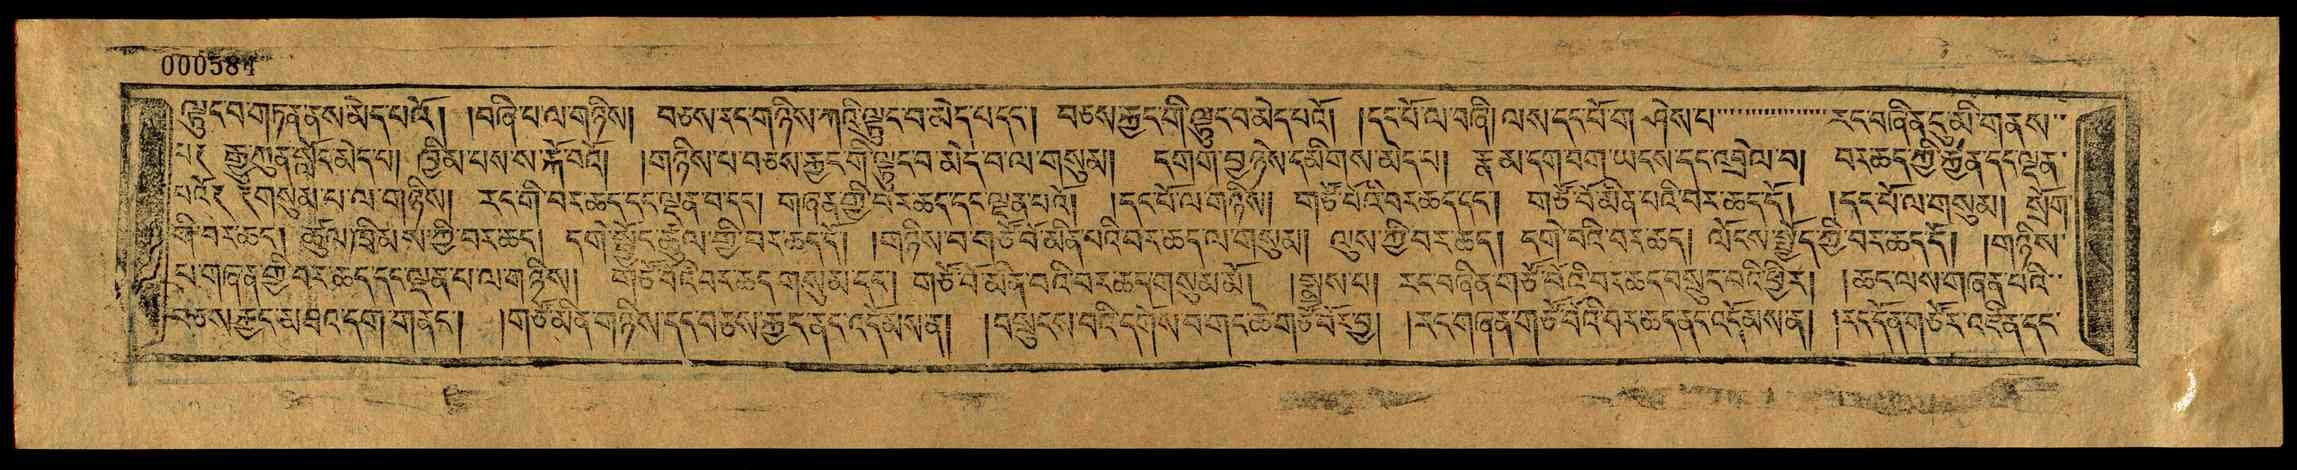ལྟུང་བ་གཏན་ནས་མེད་པ་དང་། །བཞི་པ་ལ་གཉིས། བཅས་རང་གཉིས་ཀའི་ལྟུང་བ་མེད་པ་དང་། བཅས་རྐྱང་གི་ལྟུང་བ་མེད་པའོ། །དང་པོ་ལ་བཞི། ལས་དང་པོ་པ། ཤེས་པ་རང་བཞིན་དུ་མི་གནས།
པ། རྒྱུ་ཀུན་སློང་མེད་པ། ཁྱིམ་པས་ས་རྐོ་བའོ། །གཉིས་པ་བཅས་རྐྱང་གི་ལྟུང་བ་མེད་པ་ལ་གསུམ། དགག་བྱ་ཉེས་དམིགས་མེད་པ། རྣམ་དག་བག་ཡངས་དང་འབྲེལ་བ། བར་ཆད་ཀྱི་རྐྱེན་དང་ལྡན་
པའོ། །གསུམ་པ་ལ་གཉིས། །རང་གི་བར་ཆད་དང་ལྡན་པ་དང་། གཞན་གྱི་བར་ཆད་དང་ལྡན་པའོ། །དང་པོ་ལ་གཉིས། གཙོ་བོའི་བར་ཆད་དང་། གཙོ་བོ་མིན་པའི་བར་ཆད་དོ། །དང་པོ་ལ་གསུམ། སྲོག་
གི་བར་ཆད། ཚུལ་ཁྲིམས་ཀྱི་བར་ཆད། དགེ་སྦྱོང་ཚུལ་གྱི་བར་ཆད་དེ། །གཉིས་པ་གཙོ་བོ་མིན་པའི་བར་ཆད་ལ་གསུམ། ལུས་ཀྱི་བར་ཆད། དགེ་བའི་བར་ཆད། ལོངས་སྤྱོད་ཀྱི་བར་ཆད་དོ། །གཉིས་
པ་གཞན་གྱི་བར་ཆད་དང་ལྡན་པ་ལ་གཉིས། གཙོ་བོའི་བར་ཆད་གསུམ་དང་། གཙོ་བོ་མིན་པའི་བར་ཆད་གསུམ་མོ། །སྨྲས་པ། རང་བཞིན་གཙོ་བོའི་བར་ཆད་བསྲུང་བའི་ཕྱིར། །ཆང་ལས་གཞན་པའི་
བཅས་རྐྱང་མཐའ་དག་གནད། །གཙོ་མིན་གཉིས་དང་བཅས་རྐྱང་ནང་འདོམས་ན། །བསྲུངས་པའི་དགོས་པ་གང་ཆེ་གཙོ་བོར་བྱ། །རང་གཞན་གཙོ་བོའི་བར་ཆད་ནང་འདོམས་ནི། །རང་དོན་གཙོར་འཛིན་དང་